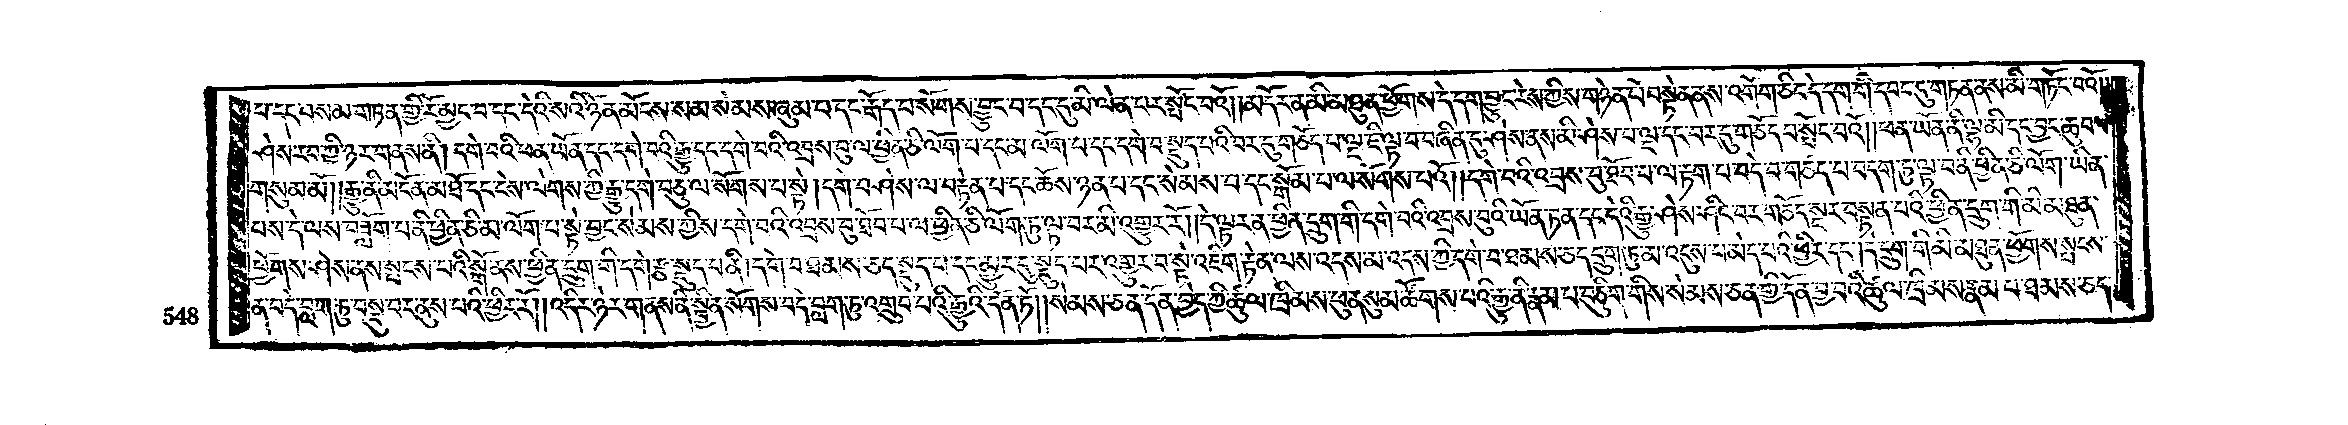པ་དང་བསམ་གཏན་གྱི་རོ་མྱང་བ་དང་དེའི་སའི་ཉོན་མོངས་སམ་སེམས་ཞུམ་པ་དང་རྒོད་པ་སོགས་བྱུང་བ་དང་དུ་མི་ལེན་པར་སྤོང་བའོ། །མདོར་ན་མི་མཐུན་ཕྱོགས་དེ་དག་བྱུང་རེས་ཀྱིས་གཉེན་པོ་བསྟེན་ནས་འགོག་ཅིང་དེ་དག་གི་དབང་དུ་གཏན་ནས་མི་གཏོང་བའོ། །
ཤེས་རབ་ཀྱི་ཉར་གནས་ནི། དགེ་བའི་ཕན་ཡོན་དང་དགེ་བའི་རྒྱུ་དང་དགེ་བའི་འབྲས་བུ་ལ་ཕྱིན་ཅི་ལོག་པ་དང་མ་ལོག་པ་དང་དགེ་བ་སྡུད་པའི་བར་དུ་གཅོད་པ་ལྔ་ཇི་ལྟ་བ་བཞིན་དུ་ཤེས་ནས་མི་ཤེས་པ་ལྔ་དང་བར་དུ་གཅོད་པ་སྤོང་བའོ། །ཕན་ཡོན་ནི་ལྷ་མི་དང་བྱང་ཆུབ་
གསུམ་མོ། །རྒྱུ་ནི་མངོན་མཐོ་དང་ངེས་ལེགས་ཀྱི་རྒྱུ་དགེ་བཅུ་ལ་སོགས་པ་སྟེ། དགེ་བཤེས་ལ་བརྟེན་པ་དང་ཆོས་ཉན་པ་དང་སེམས་པ་དང་སྒོམ་པ་ལ་སོགས་པའོ། །དགེ་བའི་འབྲས་བུ་ཐོབ་པ་ལ་རྟག་པ་བདེ་བ་གཙད་པ་བདག་ཏུ་ལྟ་བ་ནི་ཕྱིན་ཅི་ལོག་ཡིན་
པས་དེ་ལས་བཟློག་པ་ནི་ཕྱིན་ཅི་མ་ལོག་པ་སྟེ་བྱང་སེམས་ཀྱིས་དགེ་བའི་འབྲས་བུ་ཐོབ་པ་ལ་ཕྱིན་ཅི་ལོག་ཏུ་ལྟ་བར་མི་འགྱུར་རོ། །དེ་ལྟར་ན་ཕྱིན་དྲུག་གི་དགེ་བའི་འབྲས་བུའི་ཡོན་ཏན་དང་དེའི་རྒྱུ་ཤེས་ཤིང་བར་གཅོད་སྔར་བསྟན་པའི་ཕྱིན་དྲུག་གི་མི་མཐུན་
ཕྱོགས་ཤེས་ནས་སྤངས་པའི་སྒོ་ནས་ཕྱིན་དྲུག་གི་དགེ་རྩ་སྡུད་པ་ནི། དགེ་བ་ཐམས་ཅད་སྡུད་པ་དང་མྱུར་དུ་སྡུད་པར་འགྱུར་བ་སྟེ་འཇིག་རྟེན་ལས་འདས་མ་འདས་ཀྱི་དགེ་བ་ཐམས་ཅད་དྲུག་ཏུ་མ་འདུས་པ་མེད་པའི་ཕྱིར་དང་། དེ་དྲུག་གི་མི་མཐུན་ཕྱོགས་སྤངས་
ན་བདེ་བླག་ཏུ་བསྡུ་བར་ནུས་པའི་ཕྱིར་རོ། །འདིར་ཉེར་གནས་ནི་སྦྱིན་སོགས་བདེ་བླག་ཏུ་འགྲུབ་པའི་རྒྱུའི་དོན་ཏོ། །སེམས་ཅན་དོན་བྱེད་ཀྱི་ཚུལ་ཁྲིམས་ཕུན་སུམ་ཚོགས་པའི་རྒྱུ་ནི་རྣམ་པ་བཅུ་གཅིག་གིས་སེམས་ཅན་གྱི་དོན་བྱ་བའི་ཚུལ་ཁྲིམས་རྣམ་པ་ཐམས་ཅད་